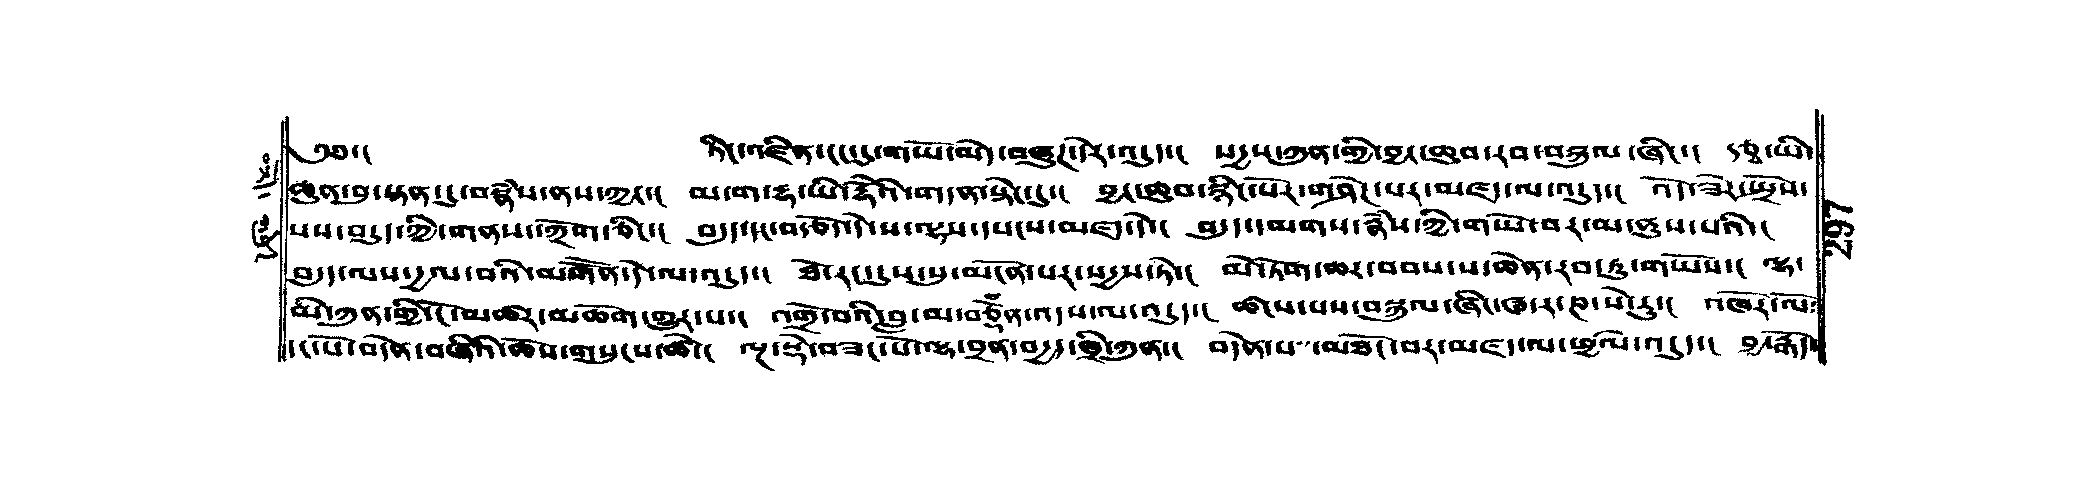།ཏིང་འཛིན་ངང་དུ་གཡོ་མེད་བཞུགས་དེར་འདུད། །སངས་རྒྱས་ཀུན་གྱི་བྱང་ཆུབ་རབ་བསྐུལ་ཞིང་། །རྩྭ་ཡི་
ཆུན་བུ་སྟན་དུ་བསྣམས་ནས་ཀྱང་། །མ་ག་དྷ་ཡི་རྡོ་རྗེའི་གདན་སྟེང་དུ། །བྱང་ཆུབ་སྙིང་པོར་གཤེགས་པར་མཛད་ལ་འདུད། །འོད་ཟེར་སྤྲོས་
པས་བདུད་ཀྱི་གནས་ཀྲོག་ཅིང་། །བདུད་དང་བརྩོད་དེ་ས་ལྷས་དཔང་མཛད་དེ། །བདུད་དམག་རྣམས་ཀྱི་གཡོ་བར་མ་ནུས་པའི། །
བདུད་ལས་རྒྱལ་བའི་མགོན་པོ་དེ་ལ་འདུད། །ཐོ་རངས་དུས་སུ་མངོན་པར་སངས་རྒྱས་ཏེ། །མེ་ཏོག་ཆར་བབས་ས་ཆེན་རབ་ཏུ་གཡོས། །ལྷ་
མི་ཀུན་གྱི་ངོ་མཚར་མཆོག་གྱུར་པ། །འགྲོ་བའི་བླ་མ་བཅོམ་ལྡན་འདས་ལ་འདུད། །ཚངས་པས་བསྐུལ་ཞིང་ཝ་ར་ཎ་སི་རུ། །འཁོར་ལོ་
དང་པོ་བདེན་བཞིའི་ཆོས་གསུངས་ཚེ། །ལྔ་སྡེ་བཟང་པོ་ལྷ་བྲན་བརྒྱད་ཁྲི་ཀུན། །བདེན་པ་མཐོང་བར་མཛད་ལ་ཕྱག་འཚལ་འདུད། །བྱ་རྒོད་